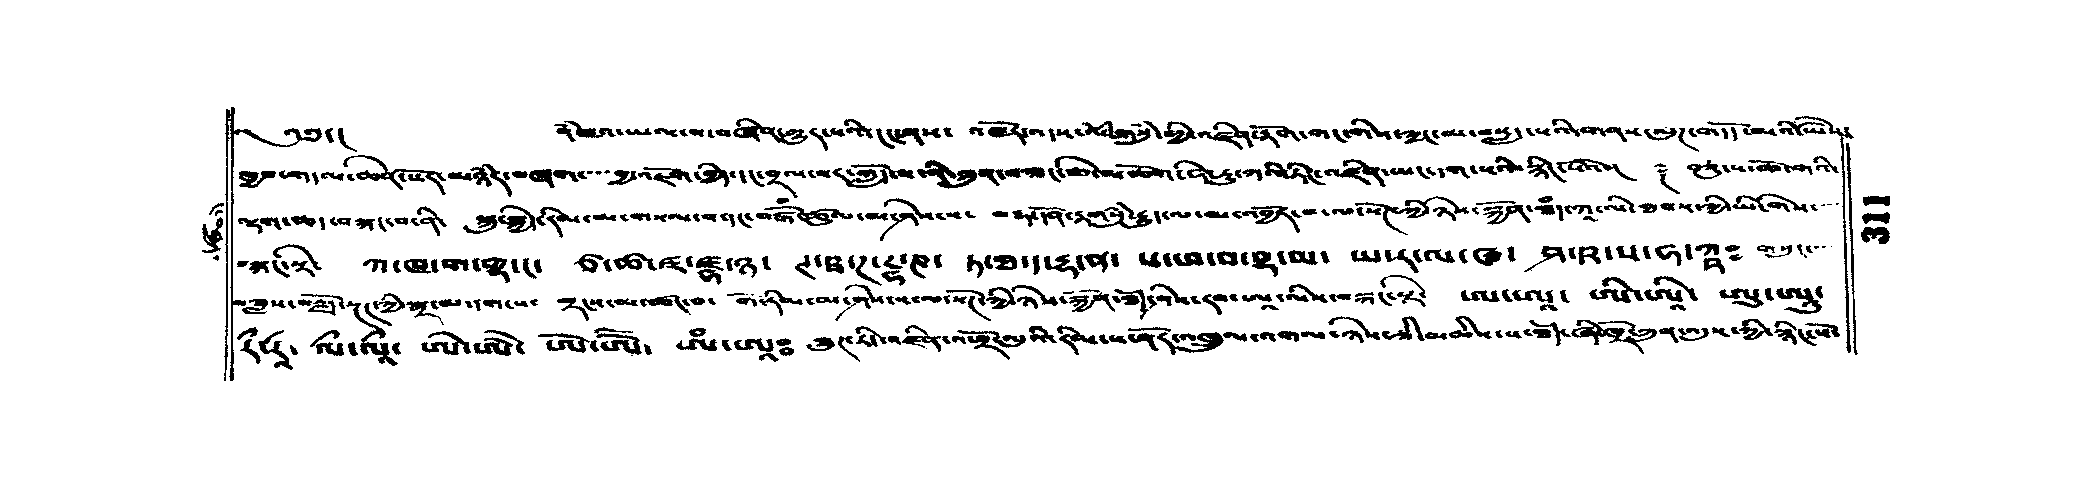ནམ་མཁར་ཡལ་བ་བཞིན་གྱུར་བའི་ངང་ནས། འཁོར་འདས་ལམ་གསུམ་གྱི་འཛིན་རྟོག་གང་གིས་ཀྱང་མ་བསླད་པའི་གནས་ལུགས་གདོད་མའི་ཡེ་ཤེས་
ཁྱབ་གདལ་ཆེན་པོར་མཉམ་པར་གཞག་བྱ་དང་འཇོག་བྱེད་དང་བྲལ་བར་གློད་པ་ནི་ཀུན་བཟང་ཆེ་མཆོག་ཧེ་རུ་ཀའི་ཏིང་འཛིན་ཡང་དག་པའི་སྙིང་པོའོ། བཅུ་པ་ཆོ་གའི་
ལྷག་ཆད་བསྐང་བ་ནི། སྐུ་བསྐྱེད་རིམ་མ་གསལ་བ་དང་བསྒོམ་ཚུལ་མ་ཤེས་པ། བརྡ་དོན་རྟགས་གསུམ་རྒྱུད་ལ་མ་འབྱོར་པ་ལ་སོགས་ཀྱི་ཉེས་སྐྱོན་ཐམས་ཅད་ཀཱ་ལི་ཐབས་ཀྱི་ཡི་གེས་
བསྐང་སྟེ། ཀ་ཁ་ག་གྷ་ང་། ཙ་ཚ་ཛ་ཛྷ་ཉ། ཊ་ཋ་ཌ་ཌྷ་ཎ། པ་ཕ་བ་བྷ་མ། ཡ་ར་ལ་ཝ། ཤ་ར་ས་ཧ་ཀརཿ གསུང་
བཟླས་བརྗོད་སྔགས་ཀྱི་སྒྲ་མ་དག་པ། གྲངས་མ་ཚང་བ།གོ་རིམ་མ་ཤེས་པ་ལ་སོགས་ཀྱི་ཉེས་སྐྱོན་ཐམས་ཅད་ཤེས་རབ་ཨཱ་ལིས་བསྐང་སྟེ། ཨ་ཨཱ། ཨི་ཨཱི། ཨུ་ཨཱུ། 
རྀ་རཱྀ། ལྀ་ལཱྀ། ཨེ་ཨཻ། ཨོ་ཨཽ། ཨཾ་ཨཱ། ཐུགས་ཏིང་འཛིན་འཕྲོ་འདུའི་རིམ་པ་ནོར་འཁྲུལ་འགལ་ཉེས་ཅི་མཆིས་པ་ཐམས་ཅད་ཞི་ཁྲོ་ཀུན་འདུས་ཀྱི་སྙིང་པོ་